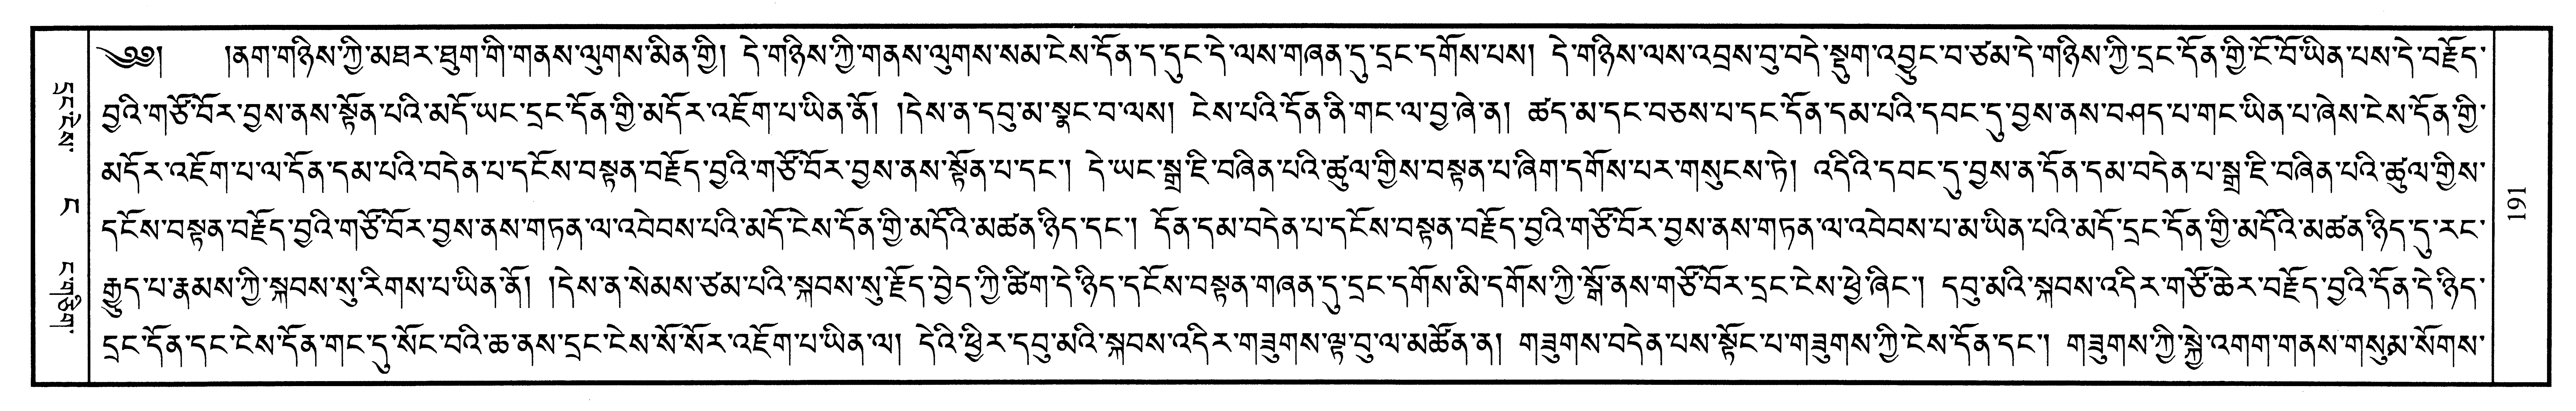༄༅། །ནག་གཉིས་ཀྱི་མཐར་ཐུག་གི་གནས་ལུགས་མིན་གྱི། དེ་གཉིས་ཀྱི་གནས་ལུགས་སམ་ངེས་དོན་ད་དུང་དེ་ལས་གཞན་དུ་དྲང་དགོས་པས། དེ་གཉིས་ལས་འབྲས་བུ་བདེ་སྡུག་འབྱུང་བ་ཙམ་དེ་གཉིས་ཀྱི་དྲང་དོན་གྱི་ངོ་བོ་ཡིན་པས་དེ་བརྗོད་
བྱའི་གཙོ་བོར་བྱས་ནས་སྟོན་པའི་མདོ་ཡང་དྲང་དོན་གྱི་མདོར་འཇོག་པ་ཡིན་ནོ། །དེས་ན་དབུ་མ་སྣང་བ་ལས། ངེས་པའི་དོན་ནི་གང་ལ་བྱ་ཞེ་ན། ཚད་མ་དང་བཅས་པ་དང་དོན་དམ་པའི་དབང་དུ་བྱས་ནས་བཤད་པ་གང་ཡིན་པ་ཞེས་ངེས་དོན་གྱི་
མདོར་འཇོག་པ་ལ་དོན་དམ་པའི་བདེན་པ་དངོས་བསྟན་བརྗོད་བྱའི་གཙོ་བོར་བྱས་ནས་སྟོན་པ་དང་། དེ་ཡང་སྒྲ་ཇི་བཞིན་པའི་ཚུལ་གྱིས་བསྟན་པ་ཞིག་དགོས་པར་གསུངས་ཏེ། འདིའི་དབང་དུ་བྱས་ན་དོན་དམ་བདེན་པ་སྒྲ་ཇི་བཞིན་པའི་ཚུལ་གྱིས་
དངོས་བསྟན་བརྗོད་བྱའི་གཙོ་བོར་བྱས་ནས་གཏན་ལ་འབེབས་པའི་མདོ་ངེས་དོན་གྱི་མདོའི་མཚན་ཉིད་དང་། དོན་དམ་བདེན་པ་དངོས་བསྟན་བརྗོད་བྱའི་གཙོ་བོར་བྱས་ནས་གཏན་ལ་འབེབས་པ་མ་ཡིན་པའི་མདོ་དྲང་དོན་གྱི་མདོའི་མཚན་ཉིད་དུ་རང་
རྒྱུད་པ་རྣམས་ཀྱི་སྐབས་སུ་རིགས་པ་ཡིན་ནོ། །དེས་ན་སེམས་ཙམ་པའི་སྐབས་སུ་རྗོད་བྱེད་ཀྱི་ཚིག་དེ་ཉིད་དངོས་བསྟན་གཞན་དུ་དྲང་དགོས་མི་དགོས་ཀྱི་སྒོ་ནས་གཙོ་བོར་དྲང་ངེས་ཕྱེ་ཞིང་། དབུ་མའི་སྐབས་འདིར་གཙོ་ཆེར་བརྗོད་བྱའི་དོན་དེ་ཉིད་
དྲང་དོན་དང་ངེས་དོན་གང་དུ་སོང་བའི་ཆ་ནས་དྲང་ངེས་སོ་སོར་འཇོག་པ་ཡིན་ལ། དེའི་ཕྱིར་དབུ་མའི་སྐབས་འདིར་གཟུགས་ལྟ་བུ་ལ་མཚོན་ན། གཟུགས་བདེན་པས་སྟོང་པ་གཟུགས་ཀྱི་ངེས་དོན་དང་། གཟུགས་ཀྱི་སྐྱེ་འགག་གནས་གསུམ་སོགས་